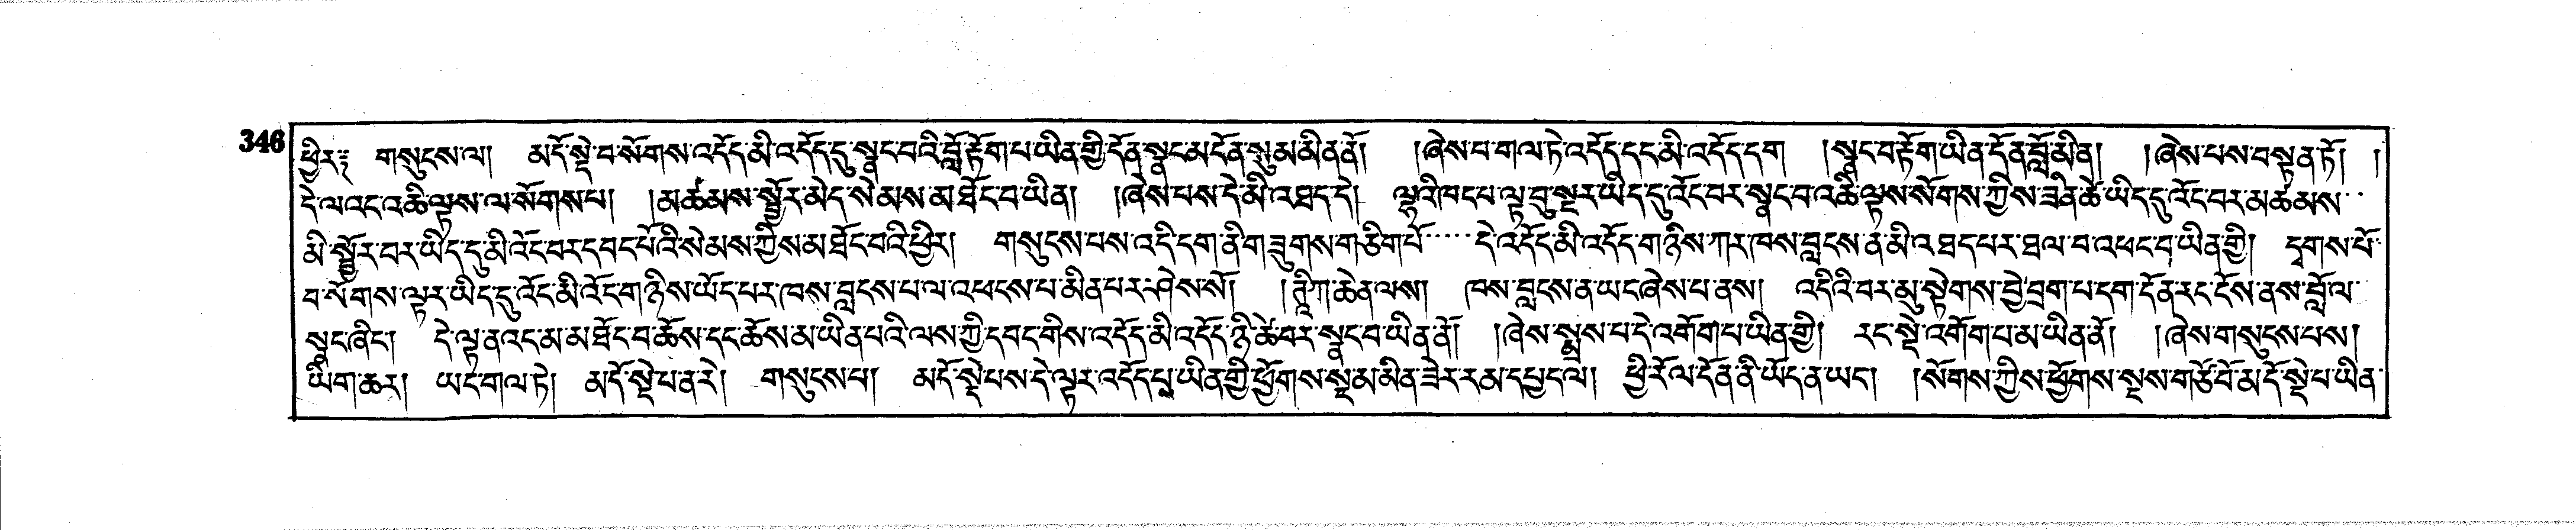ཕྱིར། གསུངས་ལ། མདོ་སྡེ་བ་སོགས་འདོད་མི་འདོད་དུ་སྣང་བའི་བློ་རྟོག་པ་ཡིན་གྱི་དོན་སྣང་མངོན་སུམ་མིན་ནོ། །ཞེས་པ་གལ་ཏེ་འདོད་དང་མི་འདོད་དག །སྣང་བ་རྟོག་ཡིན་དོན་བློ་མིན། །ཞེས་པས་བསྟན་ཏོ། །
དེ་ལའང་འཆི་ལྟས་ལ་སོགས་པ། །མཚམས་སྦྱོར་མེད་སེམས་མཐོང་བ་ཡིན། །ཞེས་པས་དེ་མི་འཐད་དེ། ལྷའི་ཁང་པ་ལྟ་བུ་སྔར་ཡིད་དུ་འོང་བར་སྣང་བ་འཆི་ལྟས་སོགས་ཀྱིས་ཟིན་ཚེ་ཡིད་དུ་འོང་བར་མཚམས་
མི་སྦྱོར་བར་ཡིད་དུ་མི་འོང་བར་དབང་པོའི་སེམས་ཀྱིས་མཐོང་བའི་ཕྱིར། གསུངས་པས་འདི་དག་ནི་གཟུགས་གཅིག་པོ་དེ་འདོད་མི་འདོད་གཉིས་ཀར་ཁས་བླངས་ན་མི་འཐད་པར་ཐལ་བ་འཕང་བ་ཡིན་གྱི། དྭགས་པོ་
བ་སོགས་ལྟར་ཡིད་དུ་འོང་མི་འོང་གཉིས་ཡོད་པར་ཁས་བླངས་པ་ལ་འཕངས་པ་མིན་པར་ཤེས་སོ། །ཊཱིཀ་ཆེན་ལས། ཁས་བླངས་ན་ཡང་ཞེས་པ་ནས། འདིའི་བར་མུ་སྟེགས་བྱེ་བྲག་པ་དག་དོན་རང་ངོས་ནས་བློ་ལ་
སྣང་ཞིང་། དེ་ལྟ་ནའང་མ་མཐོང་བ་ཆོས་དང་ཆོས་མ་ཡིན་པའི་ལས་ཀྱི་དབང་གིས་འདོད་མི་འདོད་ཉི་ཚེ་བར་སྣང་བ་ཡིན་ནོ། །ཞེས་སྨྲས་པ་དེ་འགོག་པ་ཡིན་གྱི། རང་སྡེ་འགོག་པ་མ་ཡིན་ནོ། །ཞེས་གསུངས་པས།
ཡིག་ཆར། ཡང་གལ་ཏེ། མདོ་སྡེ་པ་ན་རེ། གསུངས་པ། མདོ་སྡེ་པས་དེ་ལྟར་འདོད་པས་ཡིན་གྱི་ཕྱོགས་སྔ་མ་མིན་ཟེར་རམ་དཔྱད་ལ། ཕྱི་རོལ་དོན་ནི་ཡོད་ན་ཡང་། །སོགས་ཀྱིས་ཕྱོགས་སྔས་གཙོ་བོ་མདོ་སྡེ་པ་ཡིན་